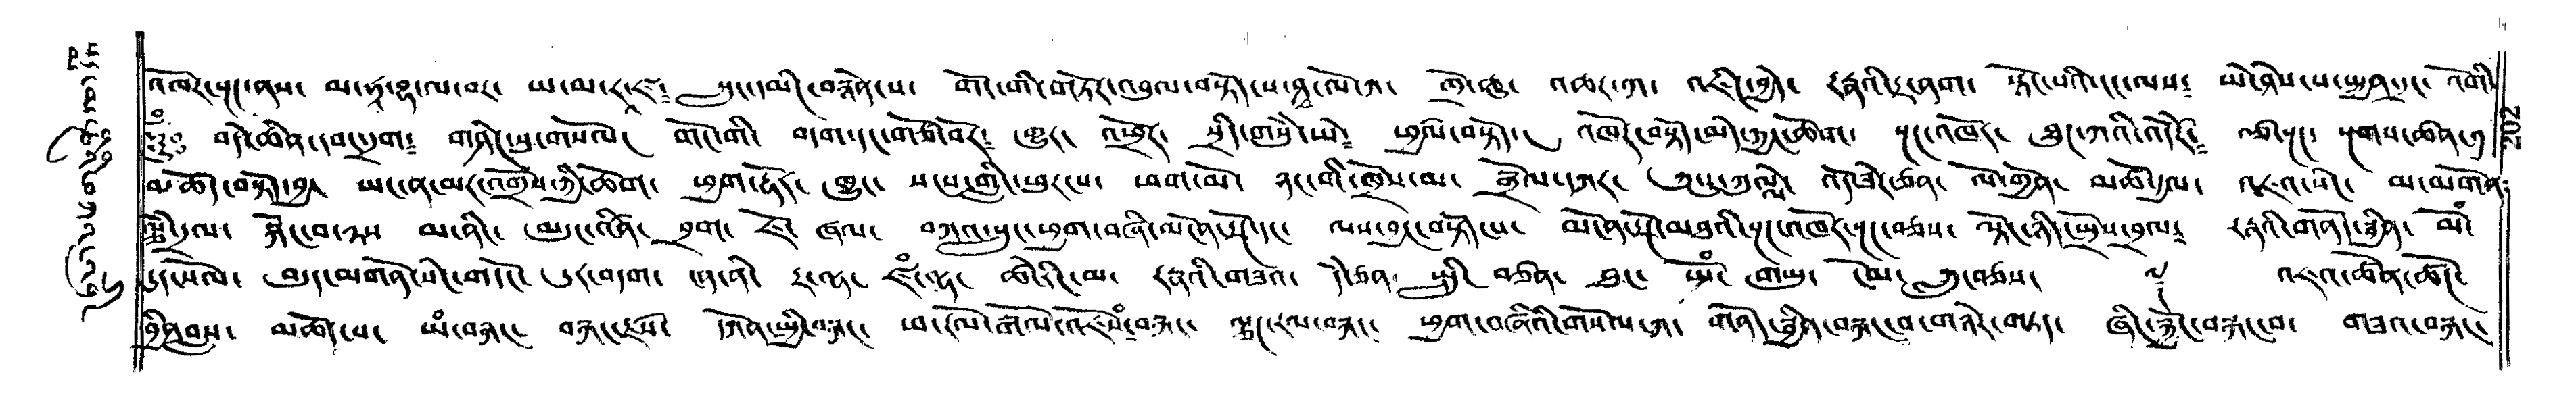འཁོར་སྔགས་ནས། མ་ཧཱ་བྷ་ལ༴ བར། ཡ་མ་རཱ་ཛ༴ སྲུང་དམིགས་བསྙེན་པ། གོང་གི་གཏོར་འབུལ་བསྟོད་པ་ཤྭ་ལོ་ཀ ཁྲོ་ཆུ། འཆར་ཀ འཇིགས་བྱེད། རཏྣའི་རྟ་ནག སྟོང་པའི་ངང་ལས༴ ཡེ་ཤེས་སྤྱན་དྲངས༴ འོག་གི 
ཧཱུྃ༔ བདེ་ཆེན་དབང་དྲག༴ གཤེགས་སུ་གསོལ༔ གོང་གི བདག་དང་གཙོ་བོར༴ གྱུར༔ འཕྲོར། སྲིད་གསུམ་ཡེ༴ ཕྱག་འཚལ་བསྟོད༔ འཁོར་བསྟོད་མེད་ཀྱང་ཆོག འཁོར་སྔགས། ཐུགས་ཀའི་འོད་ཟེར༴ རྩ་སྔགས། སྔགས་ཚན། 
མཆོད་བསྟོད་བྱ། ཡང་ན་མར་འགྲོས་ཀྱི་ཆོག ཕྱག་རྡོར། ཁྱུང་། སངས་གླིང་ཕུར་པ། ཕག་མོ། ཉང་གི་ཁྲོས་མ། སྒྲོལ་དཀར། ཀུ་རུ་ཀུལ་ལེ། འོད་ཟེར་ཅན། ལོ་གྱོན། མཚོ་རྒྱལ། འཇའ་སེང་། མ་མགོན་
ལྕམ་དྲལ། སྐོང་བ་ཉེར་ལྔ། མ་ནིང་། མདུང་འཛིན། བྲག ཇོ། ཞལ། བཀའ་སྲུང་ཕྱག་བཞིའི་མངོན་རྟོགས་དང་། ལས་བྱང་བསྟོད་པ། མངོན་རྟོགས་མཐའི་སྔགས་འཁོར་སྔགས་བཅས། སྟོང་ཉིད་སྤྲོས་བྲལ༴ རཏྣའི་གནོད་སྦྱིན། མ་མོ་
དུད་སོལ། བདུད་མགོན་སེང་གདོང་། དུར་བདག ངན་ནེ། རྟ་ལྷ། ཛམ་ལ། ཚེ་རིང་མ། རཏྣའི་གཟའ། དམ་ཅན། སྤུ་གྲི། བཙན། ཐང་། སྤོམ། གཡུ། ངོམ། ཀླུ་བཅས། ༈ འཇའ་ཚོན་ཚོགས་
བྱིན་རླབས། མཆོད་པ། ཡཾ་བསྐང་། བསྐང་རྫས། དཀོན་སྤྱིའི་བསྐང་བ། ཕ་རོལ་རྒོལ་འཇོམས་བསྐང་བ། ལྕགས་རལ་བསྐང་བ། ཕྱག་བཞིའི་གསོལ་ཀ གནོད་སྦྱིན་བསྐང་བ་གཉེར་གཏད། ཞིང་སྐྱོང་བསྐང་བ། གཟའ་བསྐང་